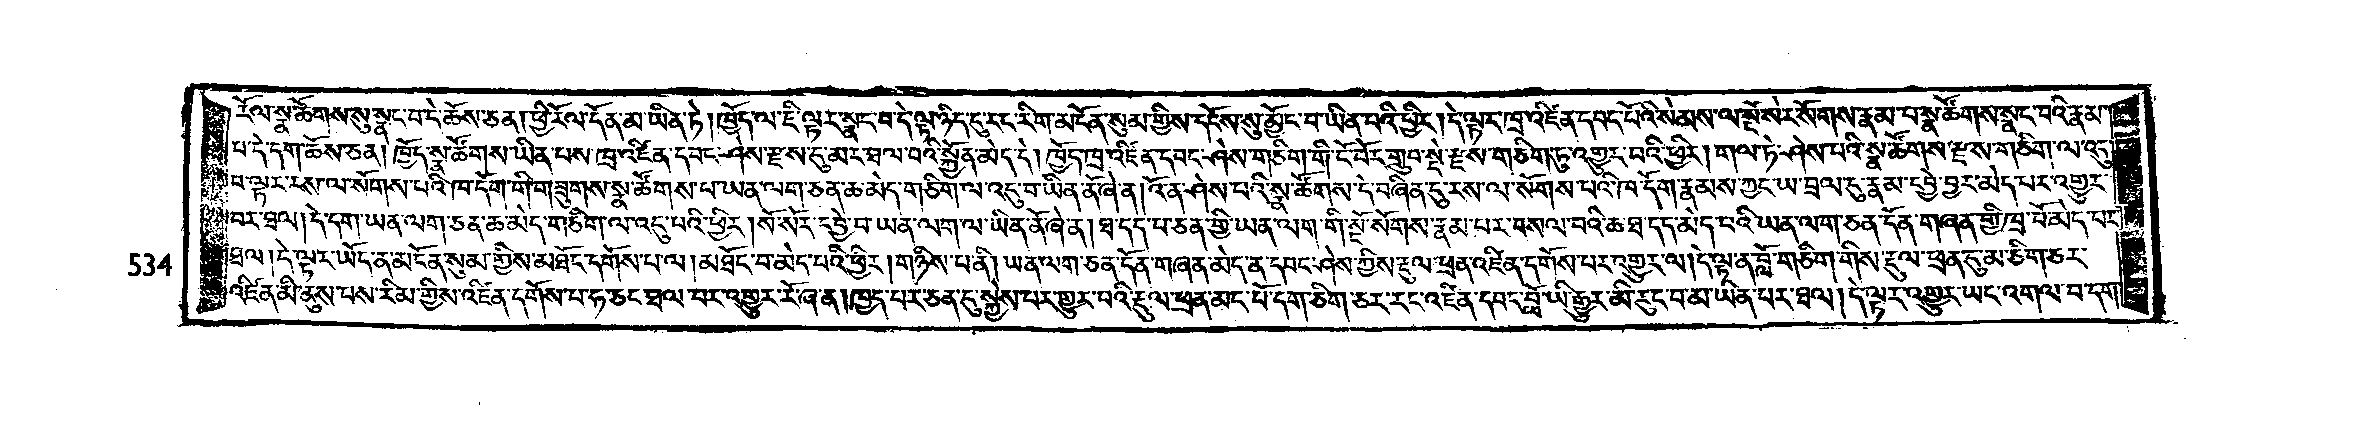རོལ་སྣ་ཚོགས་སུ་སྣང་བ་དེ་ཆོས་ཅན། ཕྱི་རོལ་དོན་མ་ཡིན་ཏེ། ཁྱོད་ལ་ཇི་ལྟར་སྣང་བ་དེ་ལྟ་ཉིད་དུ་རང་རིག་མངོན་སུམ་གྱིས་དངོས་སུ་མྱོང་བ་ཡིན་པའི་ཕྱིར། དེ་ལྟར་ཁྲ་འཛིན་དབང་པོའི་སེམས་ལ་སྔོ་སེར་སོགས་རྣམ་པ་སྣ་ཚོགས་སྣང་བའི་རྣམ་
པ་དེ་དག་ཆོས་ཅན། ཁྱོད་སྣ་ཚོགས་ཡིན་པས་ཁྲ་འཛིན་དབང་ཤེས་རྫས་དུ་མར་ཐལ་བའི་སྐྱོན་མེད་དེ། ཁྱོད་ཁྲ་འཛིན་དབང་ཤེས་གཅིག་གི་ངོ་བོར་གྲུབ་སྡེ་རྫས་གཅིག་ཏུ་འགྱུར་བའི་ཕྱིར། གལ་ཏེ་ཤེས་པའི་སྣ་ཚོགས་རྫས་གཅིག་ལ་འདུ་
བ་ལྟར་རས་ལ་སོགས་པའི་ཁ་དོག་གི་གཟུགས་སྣ་ཚོགས་པ་ཡན་ལག་ཅན་ཆ་མེད་གཅིག་ལ་འདུ་བ་ཡིན་ནོ་ཞེ་ན། འོ་ན་ཤེས་པའི་སྣ་ཚོགས་དེ་བཞིན་དུ་རས་ལ་སོགས་པའི་ཁ་དོག་རྣམས་ཀྱང་ཡ་བྲལ་དུ་རྣམ་དབྱེ་བྱར་མེད་པར་འགྱུར་
བར་ཐལ། དེ་དག་ཡན་ལག་ཅན་ཆ་མེད་གཅིག་ལ་འདུ་པའི་ཕྱིར། སོ་སོར་དབྱེ་བ་ཡན་ལག་ལ་ཡིན་ནོ་ཞེ་ན། ཐ་དད་པ་ཅན་གྱི་ཡན་ལག་གི་སྔོ་སོགས་རྣམ་པར་བསལ་བའི་ཆ་ཐ་དད་མེད་པའི་ཡན་ལག་ཅན་དོན་གཞན་གྱི་ཁྲ་བོ་མེད་པར་
ཐལ། དེ་ལྟར་ཡོད་ན་མངོན་སུམ་གྱིས་མཐོང་དགོས་པ་ལ། མཐོང་བ་མེད་པའི་ཕྱིར། གཉིས་པ་ནི། ཡན་ལག་ཅན་དོན་གཞན་མེད་ན་དབང་ཤེས་ཀྱིས་རྡུལ་ཕྲན་འཛིན་དགོས་པར་འགྱུར་ལ། དེ་ལྟ་ན་བློ་གཅིག་གིས་རྡུལ་ཕྲན་དུ་མ་ཅིག་ཅར་
འཛིན་མི་ནུས་པས་རིམ་གྱིས་འཛིན་དགོས་པ་ཧ་ཅང་ཐལ་བར་འགྱུར་རོ་ཞེ་ན། ཁྱད་པར་ཅན་དུ་སྐྱེས་པར་གྱུར་བའི་རྡུལ་ཕྲན་མང་པོ་དག་ཅིག་ཅར་རང་འཛིན་དབང་བློ་ཡི་རྒྱུར་མི་རུང་བ་མ་ཡིན་པར་ཐལ། དེ་ལྟར་འགྱུར་ཡང་འགལ་བ་དག་